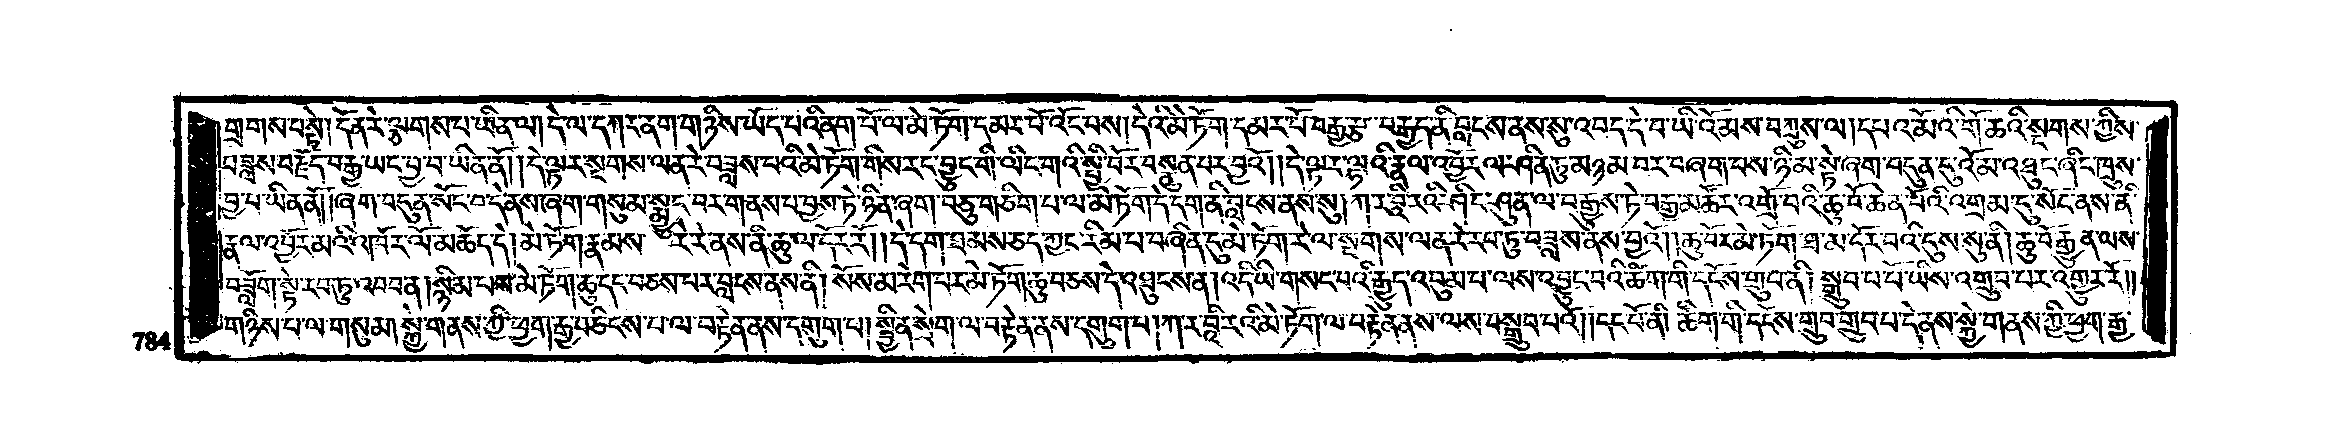གྲགས་པ་སྟེ། དོན་རེ་ལྕགས་པ་ཡིན་ལ། དེ་ལ་དཀར་ནག་གཉིས་ཡོད་པའི་ནག་པོ་ལ་མེ་ཏོག་དམར་པོ་འོང་བས། དེའི་མེ་ཏོག་དམར་པོ་བརྒྱ་རྩ་བརྒྱད་པ་ནི་བླངས་ནས་སུ་འབད་དེ་བ་ཡི་འོ་མས་བཀྲུས་ལ། དཔའ་མོའི་གོ་ཆའི་སྔགས་ཀྱིས་
བཟླས་བརྗོད་བརྒྱ་ཡང་བྱ་བ་ཡིན་ནོ། །དེ་ལྟར་སྔགས་ལན་རེ་བཟླས་པའི་མེ་ཏོག་གིས་རང་བྱུང་གི་ལིང་གའི་སྤྱོ་བོར་བསྣུན་པར་བྱའོ། །དེ་ལྟར་ལྷའི་རྣལ་འབྱོར་ལ་ཤིན་ཏུ་མཉམ་བར་བཞག་པས་ཉི་མ་སྟེ་ཞག་བདུན་དུ་འོ་མ་འཐུང་ཞིང་ཁྲུས་
བྱ་བ་ཡིན་ནོ། །ཞག་བདུན་སོང་བ་དེ་ནས་ཞག་གསུམ་སྨྱུང་བར་གནས་པ་བྱས་ཏེ་ཉིན་ཞག་བཅུ་གཅིག་པ་ལ་མེ་ཏོག་དེ་དག་ནི་བླངས་ནས་སུ། ཀ་ར་བཱི་རའི་ཤིང་ཤུན་ལ་བརྒྱུས་ཏེ་བརྒྱ་མཚོར་འགྲོ་བའི་ཆུ་བོ་ཆེན་པོའོ་འགྲམ་དུ་སོང་ནས་ནི་
རྣལ་འབྱོར་མའི་འཁོར་ལོ་མཆོད་དེ། མེ་ཏོག་རྣམས་རེ་རེ་ནས་ནི་ཆུ་ལ་དོར་རོ། །དེ་དག་ཐམས་ཅད་ཀྱང་རིམ་པ་བཞིན་དུ་མེ་ཏོག་རེ་ལ་སྔགས་ལན་རི་རབ་ཏུ་བཟླས་ནས་བྱའོ། །ཆུ་བོར་མེ་ཏོག་ཐ་མ་དོར་བའི་དུས་སུ་ནི། ཆུ་བོ་རྒྱུན་ལས་
བཟློག་སྟེ་རབ་ཏུ་འབབ་ན། སྟིམ་པས་མེ་ཏོག་ཆུ་དང་བཅས་པར་བླངས་ནས་ནི། སོས་མ་རེག་པར་མེ་ཏོག་ཆུ་བཅས་དེ་འཐུངས་ན། འདི་ཡི་གསང་བའི་རྒྱུད་འབུམ་པ་ལས་འབྱུང་བའི་ཚིག་གི་དངོས་གྲུབ་ནི། སྒྲུབ་པ་པོ་ཡིས་འགྲུབ་པར་འགྱུར་རོ།།
གཉིས་པ་ལ་གསུམ། སྐྱེ་གནས་ཀྱི་ཕྱག་རྒྱ་བཅིངས་པ་ལ་བརྟེན་ནས་དགུག་པ། སྦྱིན་སྲེག་ལ་བརྟེན་ནས་དགུག་པ། ཀ་ར་བཱི་རའི་མེ་ཏོག་ལ་བརྟེན་ནས་ལས་བསྒྲུབ་པའོ། །དང་པོ་ནི། ཚིག་གི་དངོས་གྲུབ་གྲུབ་པ་དེ་ནས་སྐྱེ་གནས་ཀྱི་ཕྱག་རྒྱ་